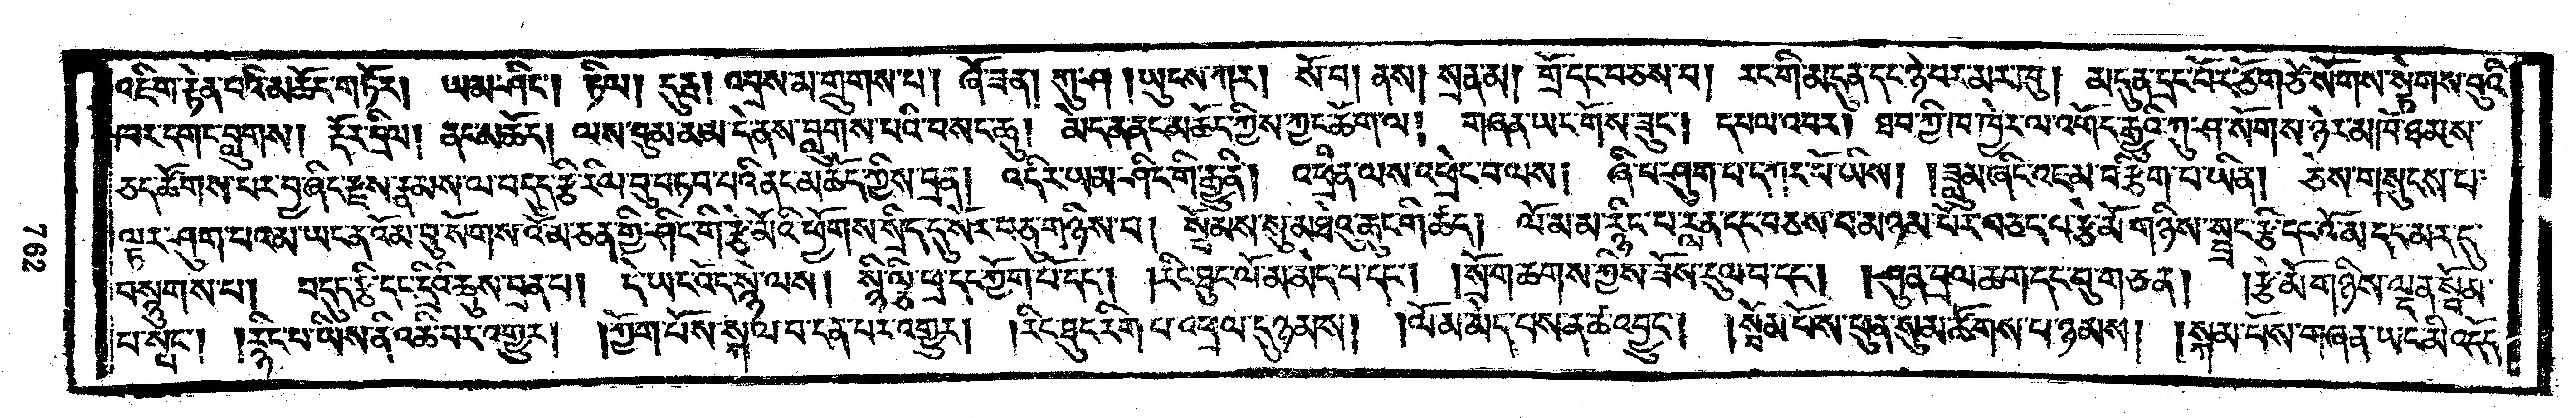འཇིག་རྟེན་བའི་མཆོད་གཏོར། ཡམ་ཤིང་། ཏིལ། དུར་བ། འབྲས་མ་གྲུགས་པ། ཞོ་ཟན། ཀུ་ཤ་།ཡུངས་ཀར། སོ་བ། ནས། སྲན་མ། གྲོ་དང་བཅས་བ། རང་གི་མདུན་དང་ཉེ་བར་མར་ཁུ། མདུན་དྲང་བོར་ཙོག་ཙེ་སོགས་སྟེགས་བུའི་
ཁར་དགང་བླུགས། རྡོར་བྲིལ། ནང་མཆོད། ལས་བུམ་མམ་དེ་ནས་བླགས་པའི་བསང་ཆུ། མེད་ན་ནང་མཆོད་ཀྱིས་ཀྱང་ཆོག་ལ། གཞན་ཡང་གོས་ཟུང་། དཔལ་འབར། ཐབ་ཀྱི་ཁ་ཁྱེར་ལ་འགོད་རྒྱུའི་ཀུ་ཤ་སོགས་ཉེར་མཁོ་ཐམས་
ཅད་ཚོགས་པར་བྱ་ཞིང་རྫས་རྣམས་ལ་བདུད་རྩི་རིལ་བུ་བཏབ་པའི་ནང་མཆོད་ཀྱིས་བྲན། འདིར་ཡམ་ཤིང་གི་རྒྱུ་ནི། འཕྲིན་ལས་འཕྲེང་བ་ལས། ཞི་པ་ཤུག་པ་དཀར་པོ་ཡིས། །ཟླུམ་ཞིང་འཇམ་བརྩིག་པ་ཡིན། ཅེས་གསུངས་པ་
ལྟར་ཤུག་པའམ་ཡང་ན་འོམ་བུ་སོགས་འོ་མ་ཅན་གྱི་ཤིང་གི་རྩེ་མོའི་ཕྱོགས་སྲིད་དུ་སོར་བཅུ་གཉིས་པ། སྦོམས་སུ་མཐེའུ་ཆུང་གི་ཚད། ལོ་མ་མ་རྙིང་པ་རླན་དང་བཅས་བ་མཉམ་པོར་བཅད་པ་རྩེ་མོ་གཉིས་སྦྲང་རྩི་དང་འོ་མ་དང་མར་དུ་
བསྙུགས་པ། བདུད་རྩི་དང་དྲིའི་ཆུས་བྲན་པ། དེ་ཡང་འོད་སྙེ་ལས། སྙི་ལྕི་ཕྲ་དང་ཀྱོག་པོ་དང་། །རིང་ཐུང་ལོ་མ་མེད་པ་དང་། །སྲོག་ཆགས་ཀྱིས་ཟོས་དུལ་བ་དང་། །ཤུན་བྲལ་ཆག་དང་བུ་གཅན། །རྩེ་མོ་གཉིས་ལྡན་སྦོམ་
པ་སྤང་། །རྙིང་པ་ཡིས་ནི་འཆི་བར་འགྱུར། །ཀྱོག་པོས་སྐལ་བ་ངན་པར་འགྱུར། །རིང་ཐུང་རིག་པ་འཕྲལ་དུ་ཉམས། །ལོམ་མེད་བས་ན་ཚ་འབྱུང་། །སྦོམ་པོས་ཕུན་སུམ་ཚོགས་པ་ཉམས། །སྐམ་པོས་གཞན་ཡང་མི་འདོད་